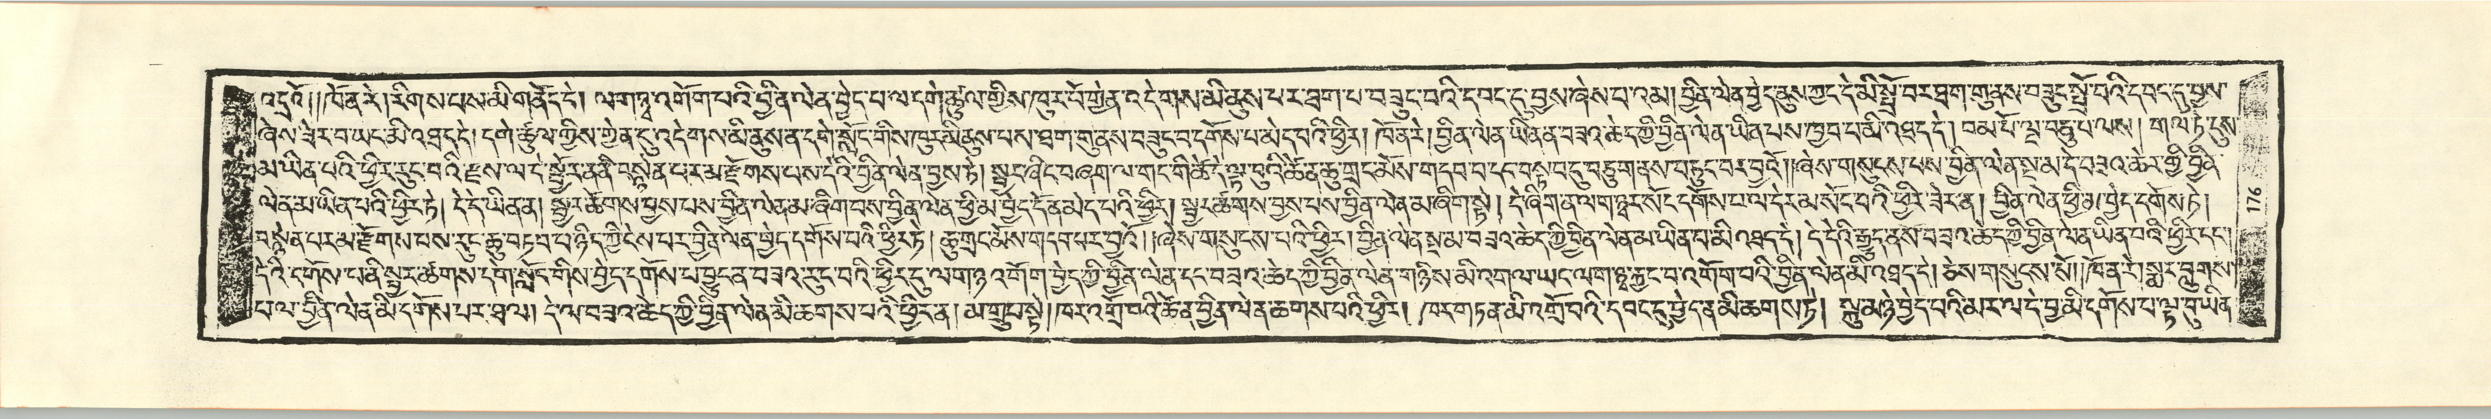འདྲའོ། །ཁོ་ན་རེ། རིགས་པས་མི་གནོད་དེ། ལག་ཉྭ་འགོག་པའི་བྱི་ན་ལེན་བྱེད་པ་ལ་དགེ་ཚུལ་གྱིས་ཁུར་པོ་གྱེན་འདེགས་མི་ནུས་པར་ཐག་པ་བཟུང་བའི་དབང་དུ་བྱས་ཞེས་པ་འམ། བྱིན་ལེན་བྱེད་ནུས་ཀྱང་དེ་མི་སྤྲོ་བར་ཐག་གུ་ནས་བཟུང་སྤྲོ་བའི་དབང་དུ་བྱས་
ཞེས་ཟེར་བ་ཡང་མི་འཐད་དེ། དགེ་ཚུལ་གྱིས་གྱེན་དུ་འདེགས་མི་ནུས་ན་དགེ་སློང་གིས་ཁུར་མི་ནུས་པས་ཐག་གུ་ནས་བཟུང་བ་དགོས་པ་མེད་པའི་ཕྱིར། ཁོ་ན་རེ། བྱིན་ལེན་ཡིན་ན་བཟའ་ཆེད་ཀྱི་བྱིན་ལེན་ཡིན་པས་ཁྱབ་པ་མི་འཐད་དེ། བམ་པོ་ལྔ་བཅུ་པ་ལས། གལ་ཏེ་དུས་
མ་ཡིན་པའི་ཕྱིར་རུང་བའི་རྫས་ལ་དེ་སྦྱོར་ན་ནི་བསྙེན་པར་མ་རྫོགས་པས་དེའི་བྱིན་ལེན་བྱས་ཏེ། སྦྱར་ཞིང་བཞག་ལ་གང་གི་ཚེ་དེ་ལྟ་བུའི་ཚེ་ན་ཆུ་གྲང་མོས་གདབ་པ་དང་བསྟབ་དུ་བཅུག་ནས་བཏུང་བར་བྱའོ། །ཞེས་གསུངས་པས་བྱིན་ལེན་སྔ་མ་དེ་བཟའ་ཆེར་གྱི་བྱིན་
ལེན་མ་ཡིན་པའི་ཕྱིར་ཏེ། དེ་དེ་ཡིན་ན། སྦྱར་ཆོགས་བྱས་པས་བྱིན་ལེན་མ་ཞིག་པས་བྱིན་ལེན་ཕྱི་མ་བྱེད་དོན་མེད་པའི་ཕྱིར། སྦྱར་ཚགས་བྱས་པས་བྱིན་ལེན་མ་ཞིག་སྟེ། དེ་ཞིག་ན་ལག་ཉྭར་སོང་དགོས་པ་ལ་དེར་མ་སོང་བའི་ཕྱིར་ཟེར་ན། བྱིན་ལེན་ཕྱི་མ་བྱེད་དགོས་ཏེ།
བསྙེན་པར་མ་རྫོགས་པས་རུང་ཆུ་བཏབ་པ་ཉིད་ཀྱི་ངེས་པར་བྱིན་ལེན་བྱེད་དགོས་པའི་ཕྱིར་ཏེ། ཆུ་གྲང་མོས་གདབ་པར་བྱའོ། །ཞེས་གསུངས་པའི་ཕྱིར། བྱིན་ལེན་སྔ་མ་བཟའ་ཆེད་ཀྱི་བྱིན་ལེན་མ་ཡིན་པ་མི་འཐད་དེ། དེ་དེའི་རྒྱུད་ནས་བཟའ་ཆེད་ཀྱི་བྱིན་ལེན་ཡིན་པའི་ཕྱིར་དང་།
དེའི་དགོས་པ་ནི་སྦྱར་ཚགས་དགེ་སློང་གིས་བྱེད་དགོས་པ་བྱུང་ན་བཟའ་རུང་བའི་ཕྱིར་དུ་ལག་ཉ་འགོག་བྱེད་ཀྱི་བྱིན་ལེན་དང་བཟའ་ཆེད་ཀྱི་བྱིན་ལེན་གཉིས་མི་འགལ་ཡང་ལག་ཉྭ་རྐྱང་བ་འགོག་པའི་བྱིན་ལེན་མི་འཐད་དེ། ཅེས་གསུངས་སོ། །ཁོ་ན་རེ། སྨར་བླུགས་
པ་ལ་བྱིན་ལེན་མི་དགོས་པར་ཐལ། དེ་ལ་བཟའ་ཆེད་ཀྱི་བྱིན་ལེན་མི་ཆགས་པའི་ཕྱིར་ན། མ་གྲུབ་སྟེ། ཁར་འགྲོ་བའི་ཚེ་ན་བྱིན་ལེན་ཆགས་པའི་ཕྱིར། ཁར་གཏན་མི་འགྲོ་བའི་དབང་དུ་བྱེད་ན་མི་ཆགས་ཏེ། སྐུ་མཉེ་བྱེད་པའི་མར་ལ་དེ་བྱ་མི་དགོས་པ་ལྟ་བུ་ཡིན་